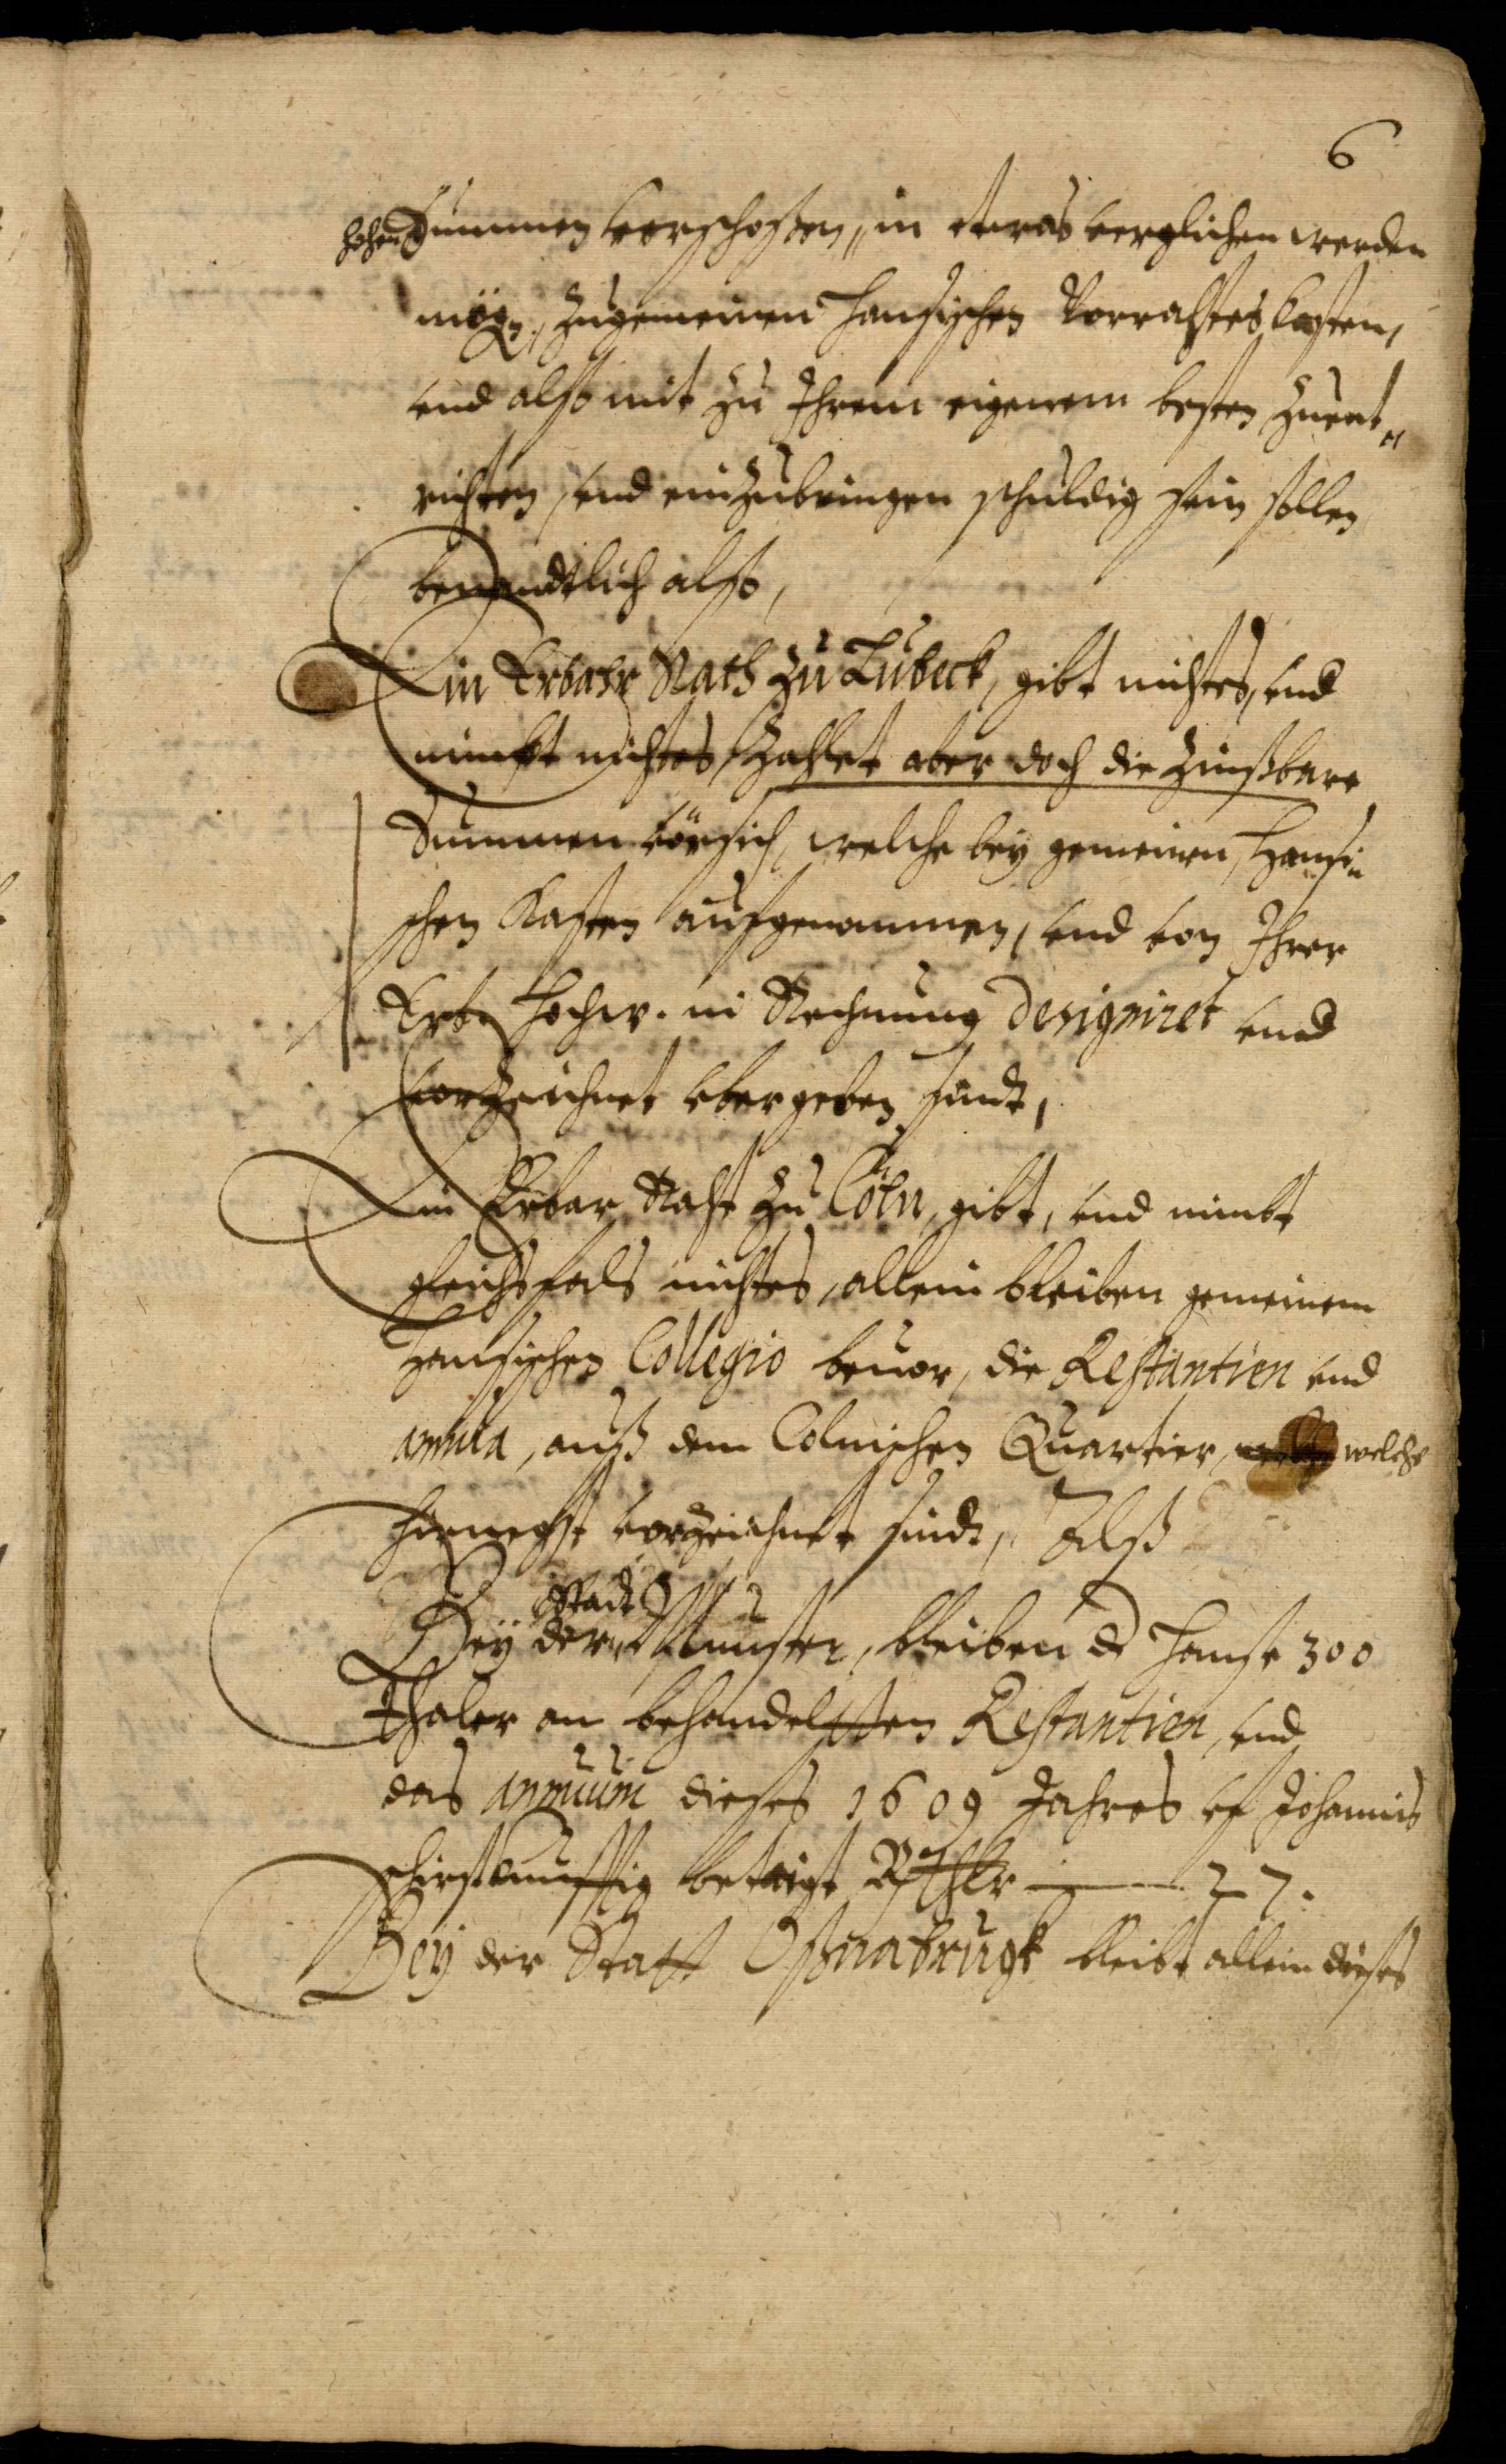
6
hohen Summen verschoßen, in etwas verglichen werden
mögen, zugemeinen hansischen vorrahtes kosten,
vnd alß mit zu Ihren eigenem besten, zuent¬
richten, vnd einzubringen schuldig sein sollen
bewandtlich also,
Ein Erbahr Rath zu Lübeck, gibt nichtes, vnd
nimbt nichtes, zahlet aber doch die zinßbare
Summen vör sich, welche beij gemeinen hansi¬
schen Kosten aufgenommen, vnd von Ihrer
Erb. hochw. in Rechnung designiret vnd
vorzeichnet vbergeben sindt,
Ein Erbar Raht zu Cöln, gibt, vnd nimbt
gleichfals nichtes,allein bleiben gemeinem
hansischen Collegio beuor, die Restantien vnd
amita, auß dem Colnschen Quartier, welche welche
hirnegst vorzeichnet sindt, alß
Beij der Stadt Munster, bleiben der hanse 300
Thaler an behandeltten Restantien, vnd
das anuum dieses 1609 Iahres vf Johannis
schirstkunfftig beträgt Rthaler _ 27.
Beij der Statt Oßnabrugk bleibt allein dieses
